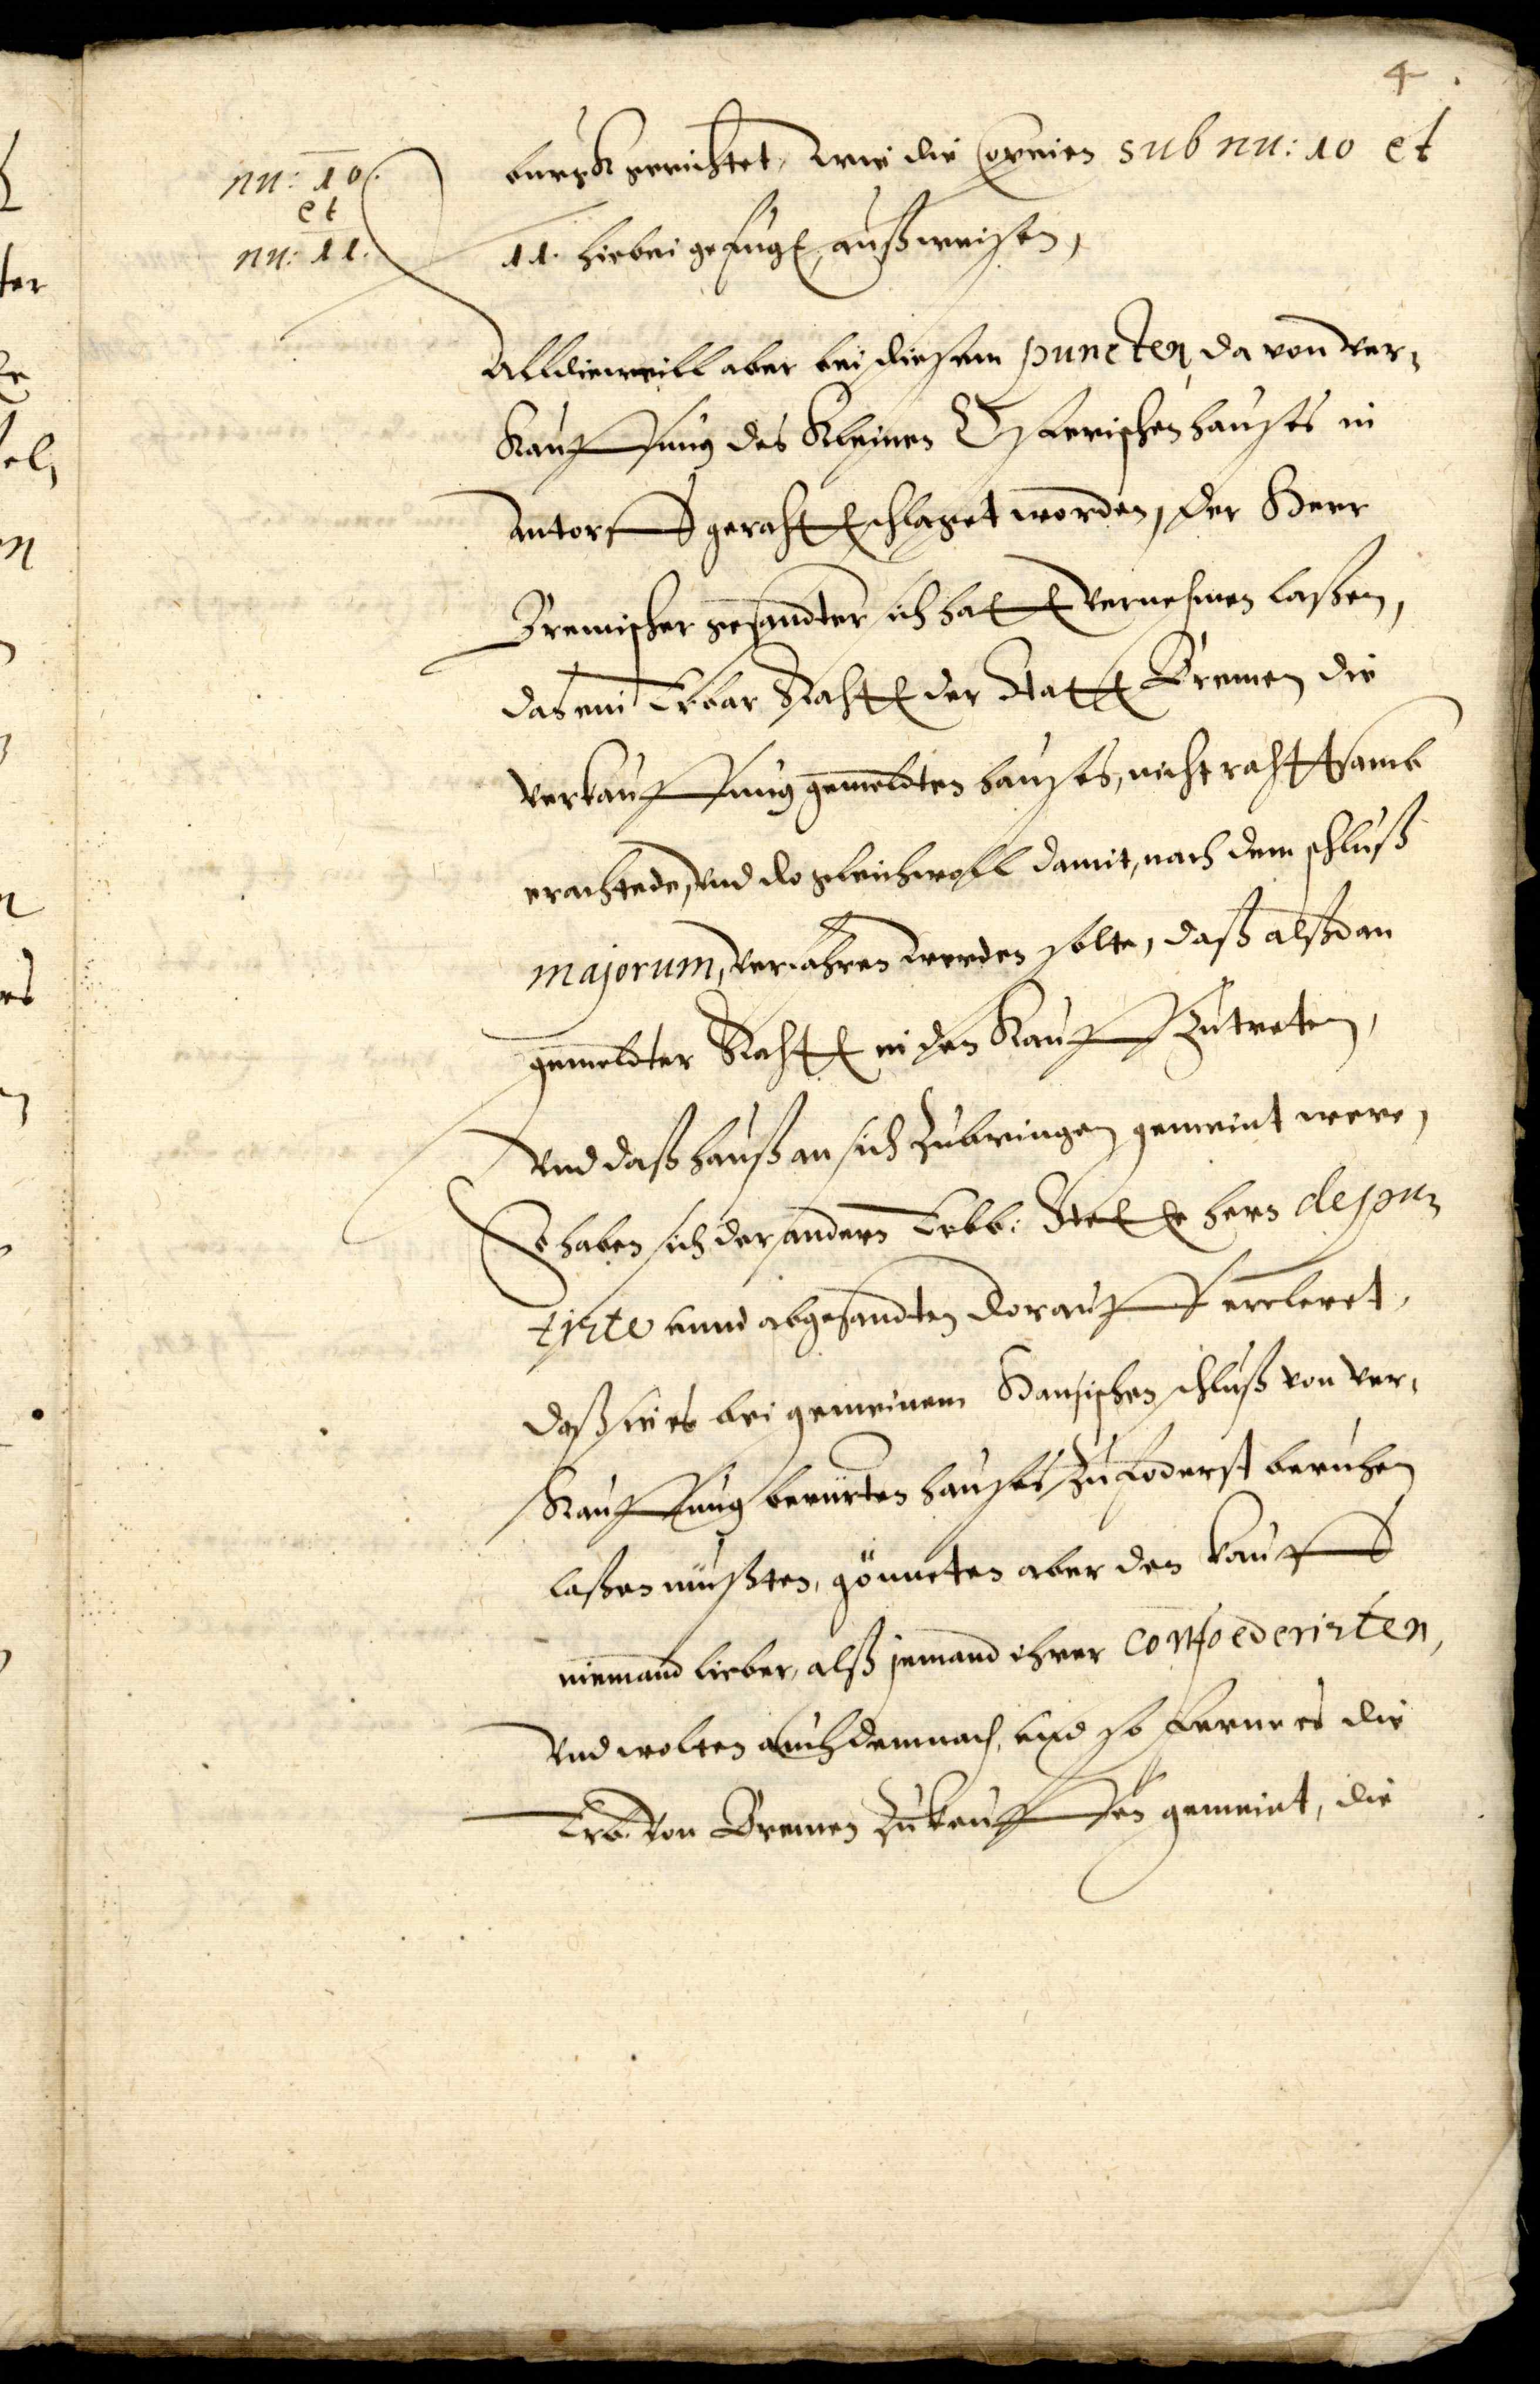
4.
nu: 10.
et
nu: 11.
burgk gerichtet, wie die Copeien sub nu: 10 et
11. hiebei gefugt, außweisen,
Alldieweill aber bei diesen puncten, da von ver¬
kauffung des kleinen Osterischen hauses in
Antorff gerahttschlaget worden, der Herr
Bremischer gesandter sich hatt vernehmen laßen,
das ein Erbar Rahtt der Statt Bremen die
verkauffung gemeldeten hauptes, nicht rahttsamb
erachtede, vnd do gleichwoll damit, nach dem schluß
majorum, verfahren werden solte, daß alßo an
gemeldter Rahtt in den Kauff zutreten,
vnd daß hauß an sich zubringen gemeint were,
So haben sich der andern Erbb: Stette hern depv¬
tirte vnnd abgesandten dorauff ercleret,
daß sie es bei gemeinem Hansichen schluß von ver¬
kauffung berürten hauses zu foderst beruhen
laßen müßten, gönneten aber den kauff
niemand lieber, alß jemand ihrer confoederirten,
vnd wolten auch demnach vnd so ferners die
Erb. von Bremen zu kauffen gemeint, die
